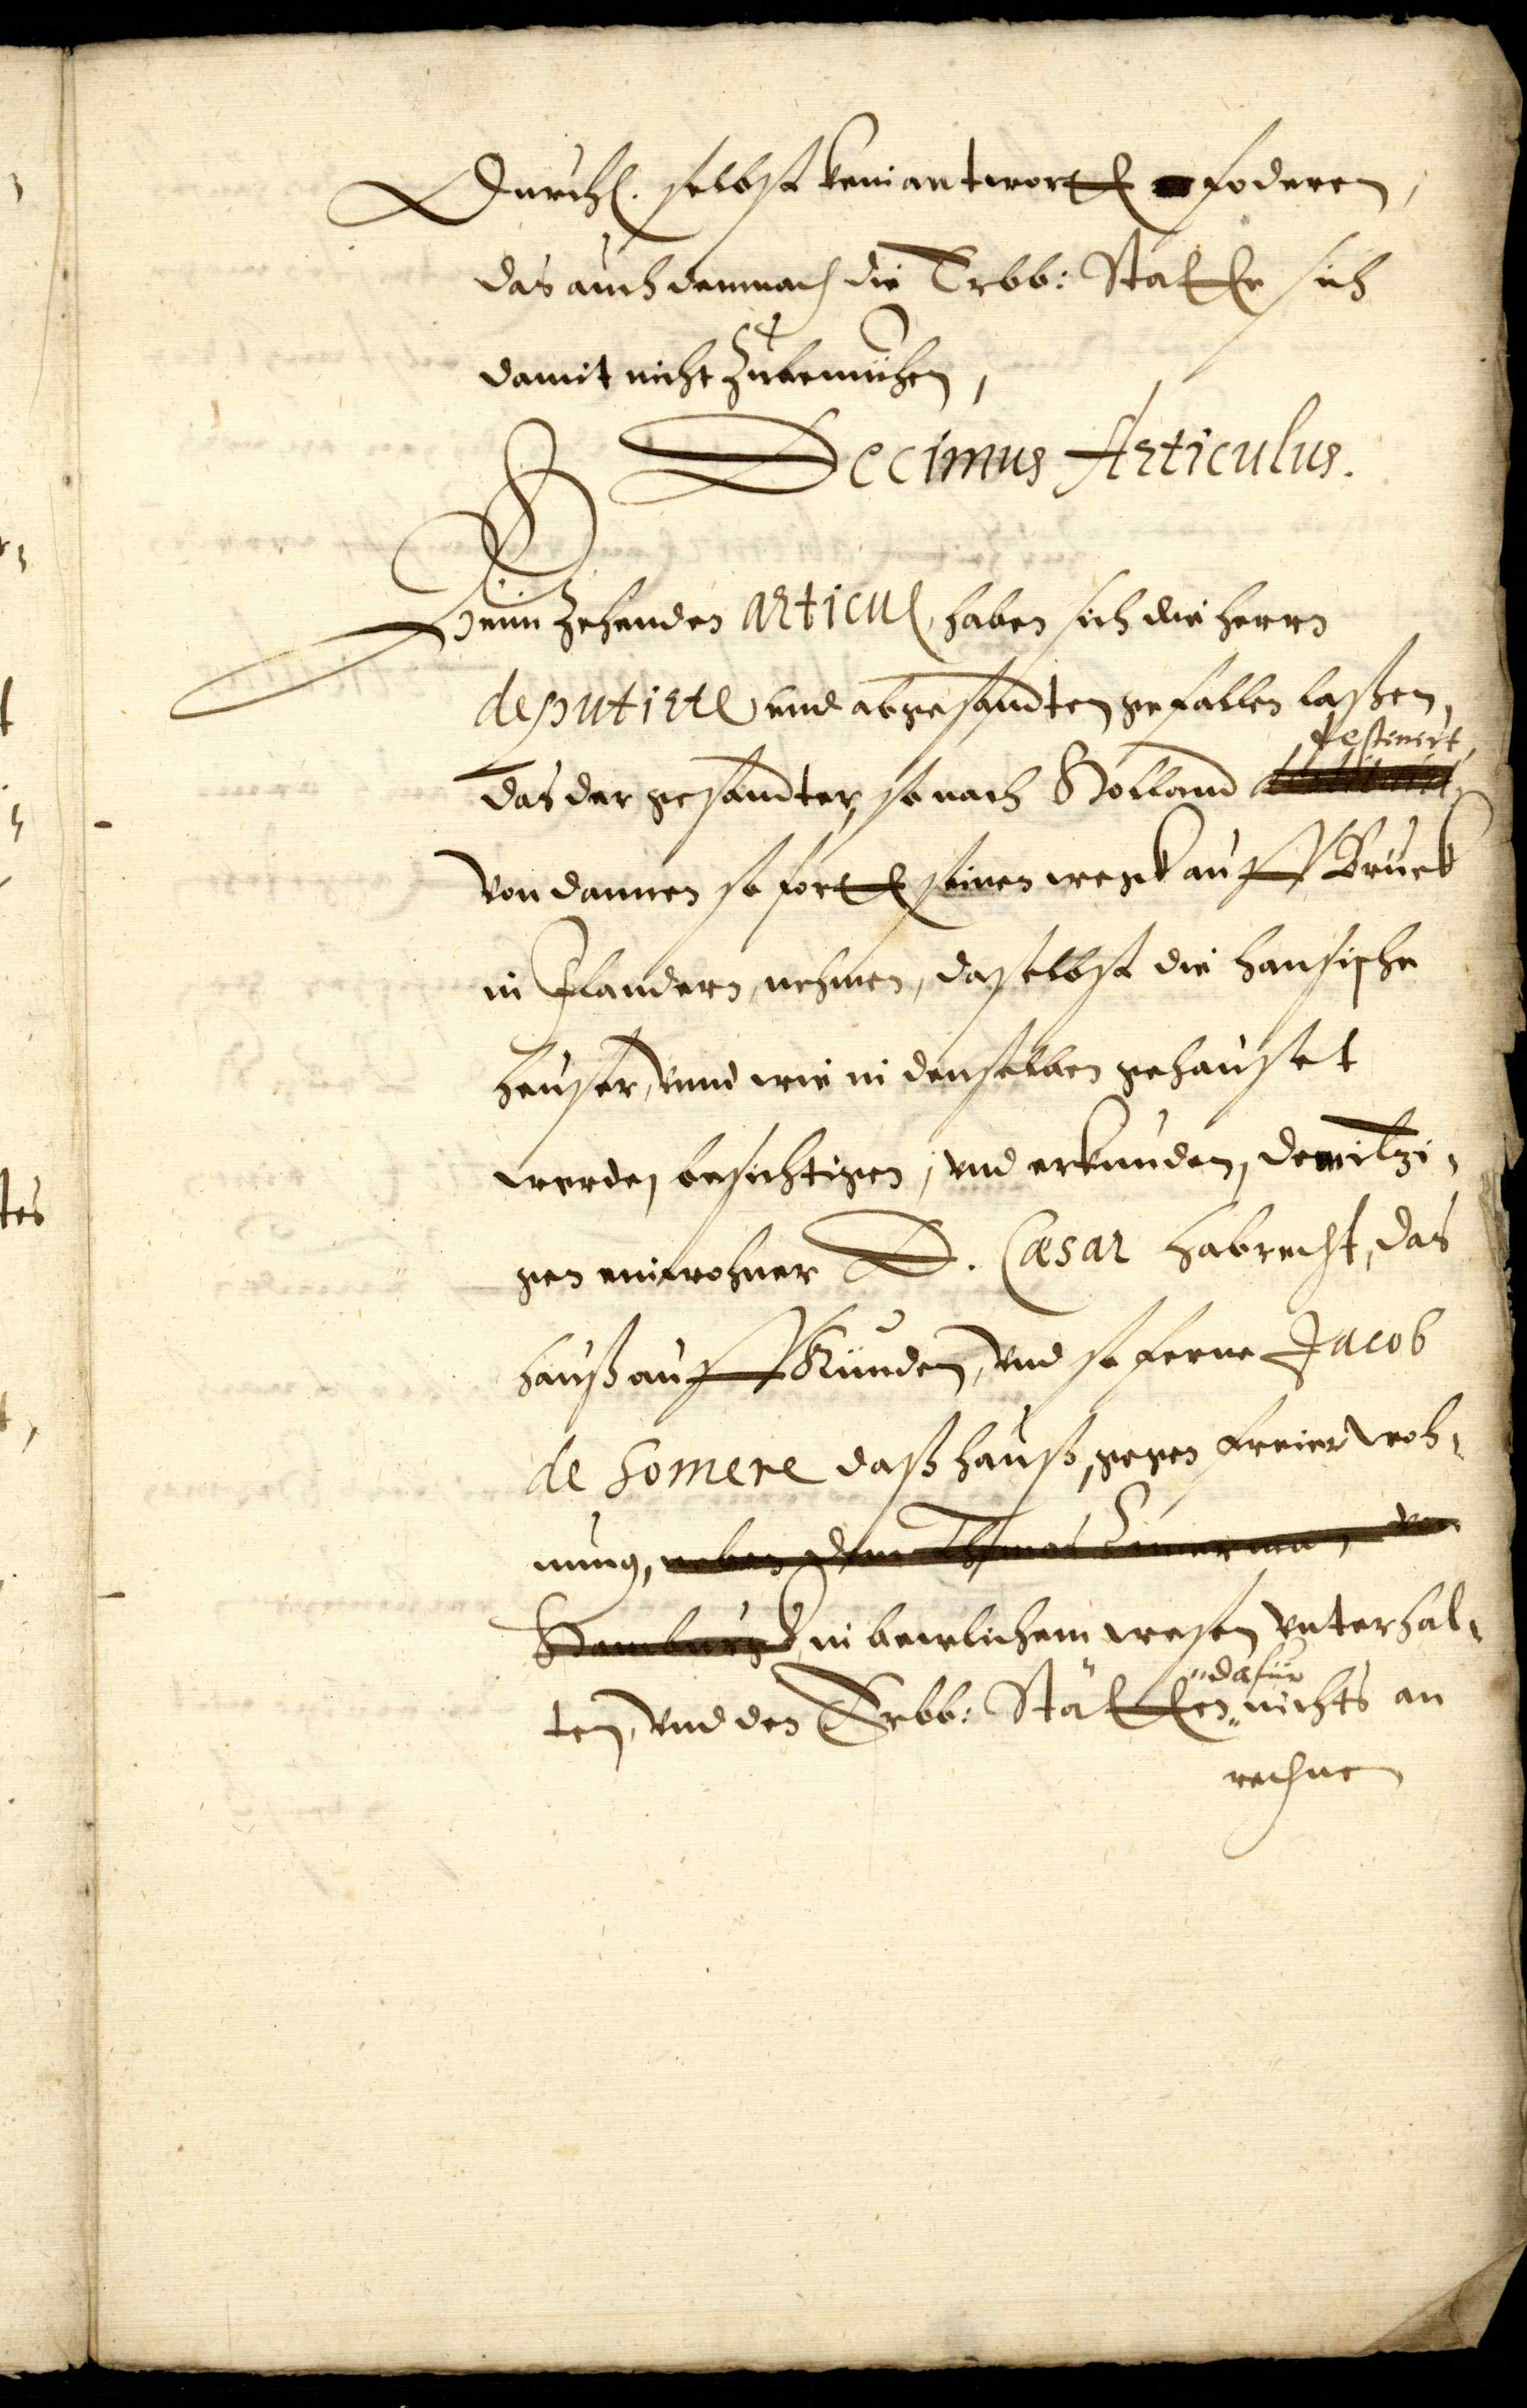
durchl. selbst kein antwortt fordern,
das auch demnach die Erbb: Statte sich
damit nicht Zubemühen,
Decimus Articulus .
Beim Zehenden articul, haben sich die herrn
deputirte vnd abgesandten gefallen laßen,
destinirt,
das der gesandter, so nach Holland destitnirt
Von dannen sofortt seines wegk auff Brück
in Flandern, nehmen, daselbst die hansische
heuser, Vnnd wie in denselben gehauset
werde, besichtigen, vnd erkunden, den itzi¬
gen einwohner D. Cæsar habrecht, das
hauß auffKündigen, Vnd so ferne Iacob
de Somere daß hauß, gegen freie woh¬
nung, neben dem Thomas Cammerman von
Hamburgk in bawlichem wesen vnterhal¬
* dafür
ten, Vnd den Erbb: Stätten * nichts an
rechnen
